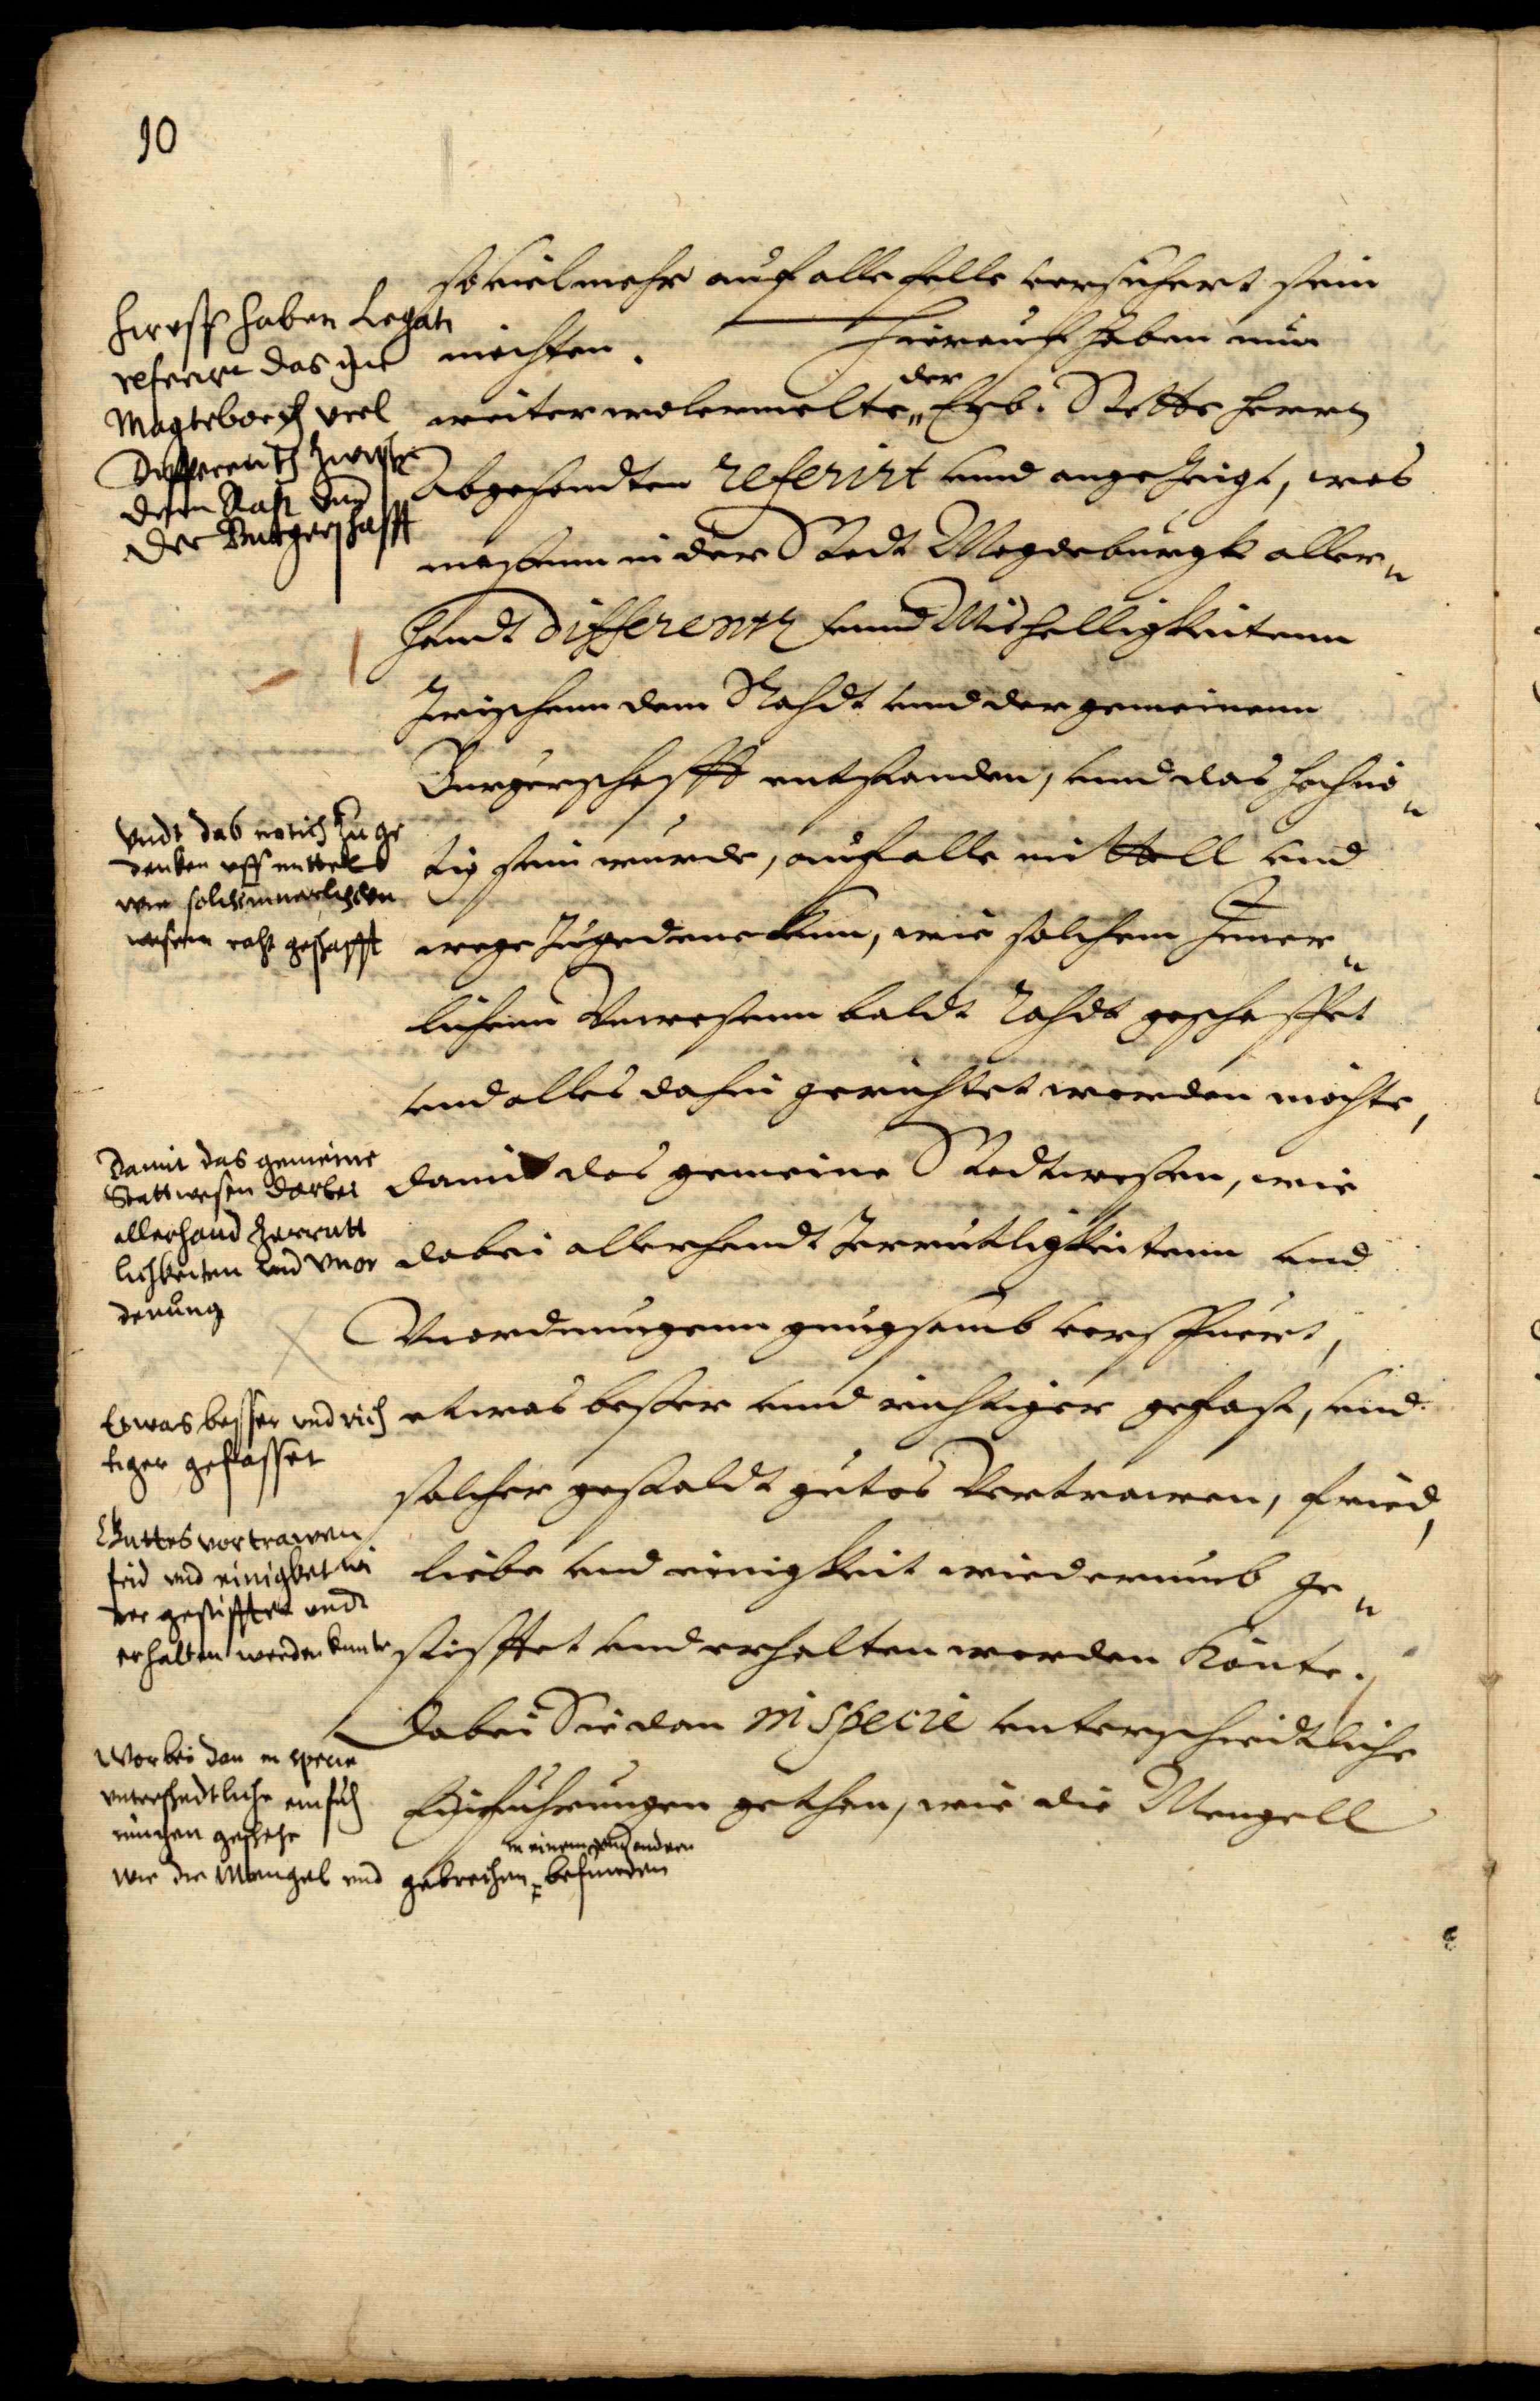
10
hirvff haben Legati
referirt das um
Magtebroch viel
differents zwisch
dem Raht vnd
der Burgerschafft
vndt das notich zu ge
denken vff mittel
wie solch innerliche vn
wesen raht gefasst
Damit das gemeine
Stattwesen derlei
allerhand zuerutt
lichkeiten vnd vnor
dernung
Etwas besser vnd rich
tiger gefasset
Gottes vertrawen
frid vnd einigkeit wi
der gestiffte vndt
erhalten werden kunte
Worbei dan in specie
vnterschidtliche einsuh
tungen geschehe
in einem vnd andern
wie die Mangel vnd gebrechen * befunden
so viel mehr auf alle felle versichert sein
möchten. Hierauf haben nun
der
weiter wolermelte Erb. Stette herrn
Abgesandten referirt vnnd angezeigt, was
maßenn in der Stadt Magdeburgk aller¬
handt Differentz vnd Mishelligkeitenn
zwischenn dem Rahdt vnd der gemeinenn
Burgerschafft entstanden, vnnd das hochnö¬
tig sein wurde, auf alle mittell vnd
wege zugedenckenn, wie solchem Inner¬
lichenn Vnweßenn baldt Rahdt geschaffet
vnd alles dahin gerichtet werden möchte,
damit das gemeine Stadtweßen, wie
dabei allerhandt zerrutligkeitenn vnd
Vnordnungenn gnugsamb verspuert,
etwas beßer vnd richtiger gefast, vnd
solcher gestaldt gutes Vertrawen, fried,
liebe vnd einigkeit wiederumb ge¬
stifftet vnd erhalten werden könte.
dabei Sie dan in specie vnterschiedtliche
Einfuhrungen gethan, wie die Mengell
